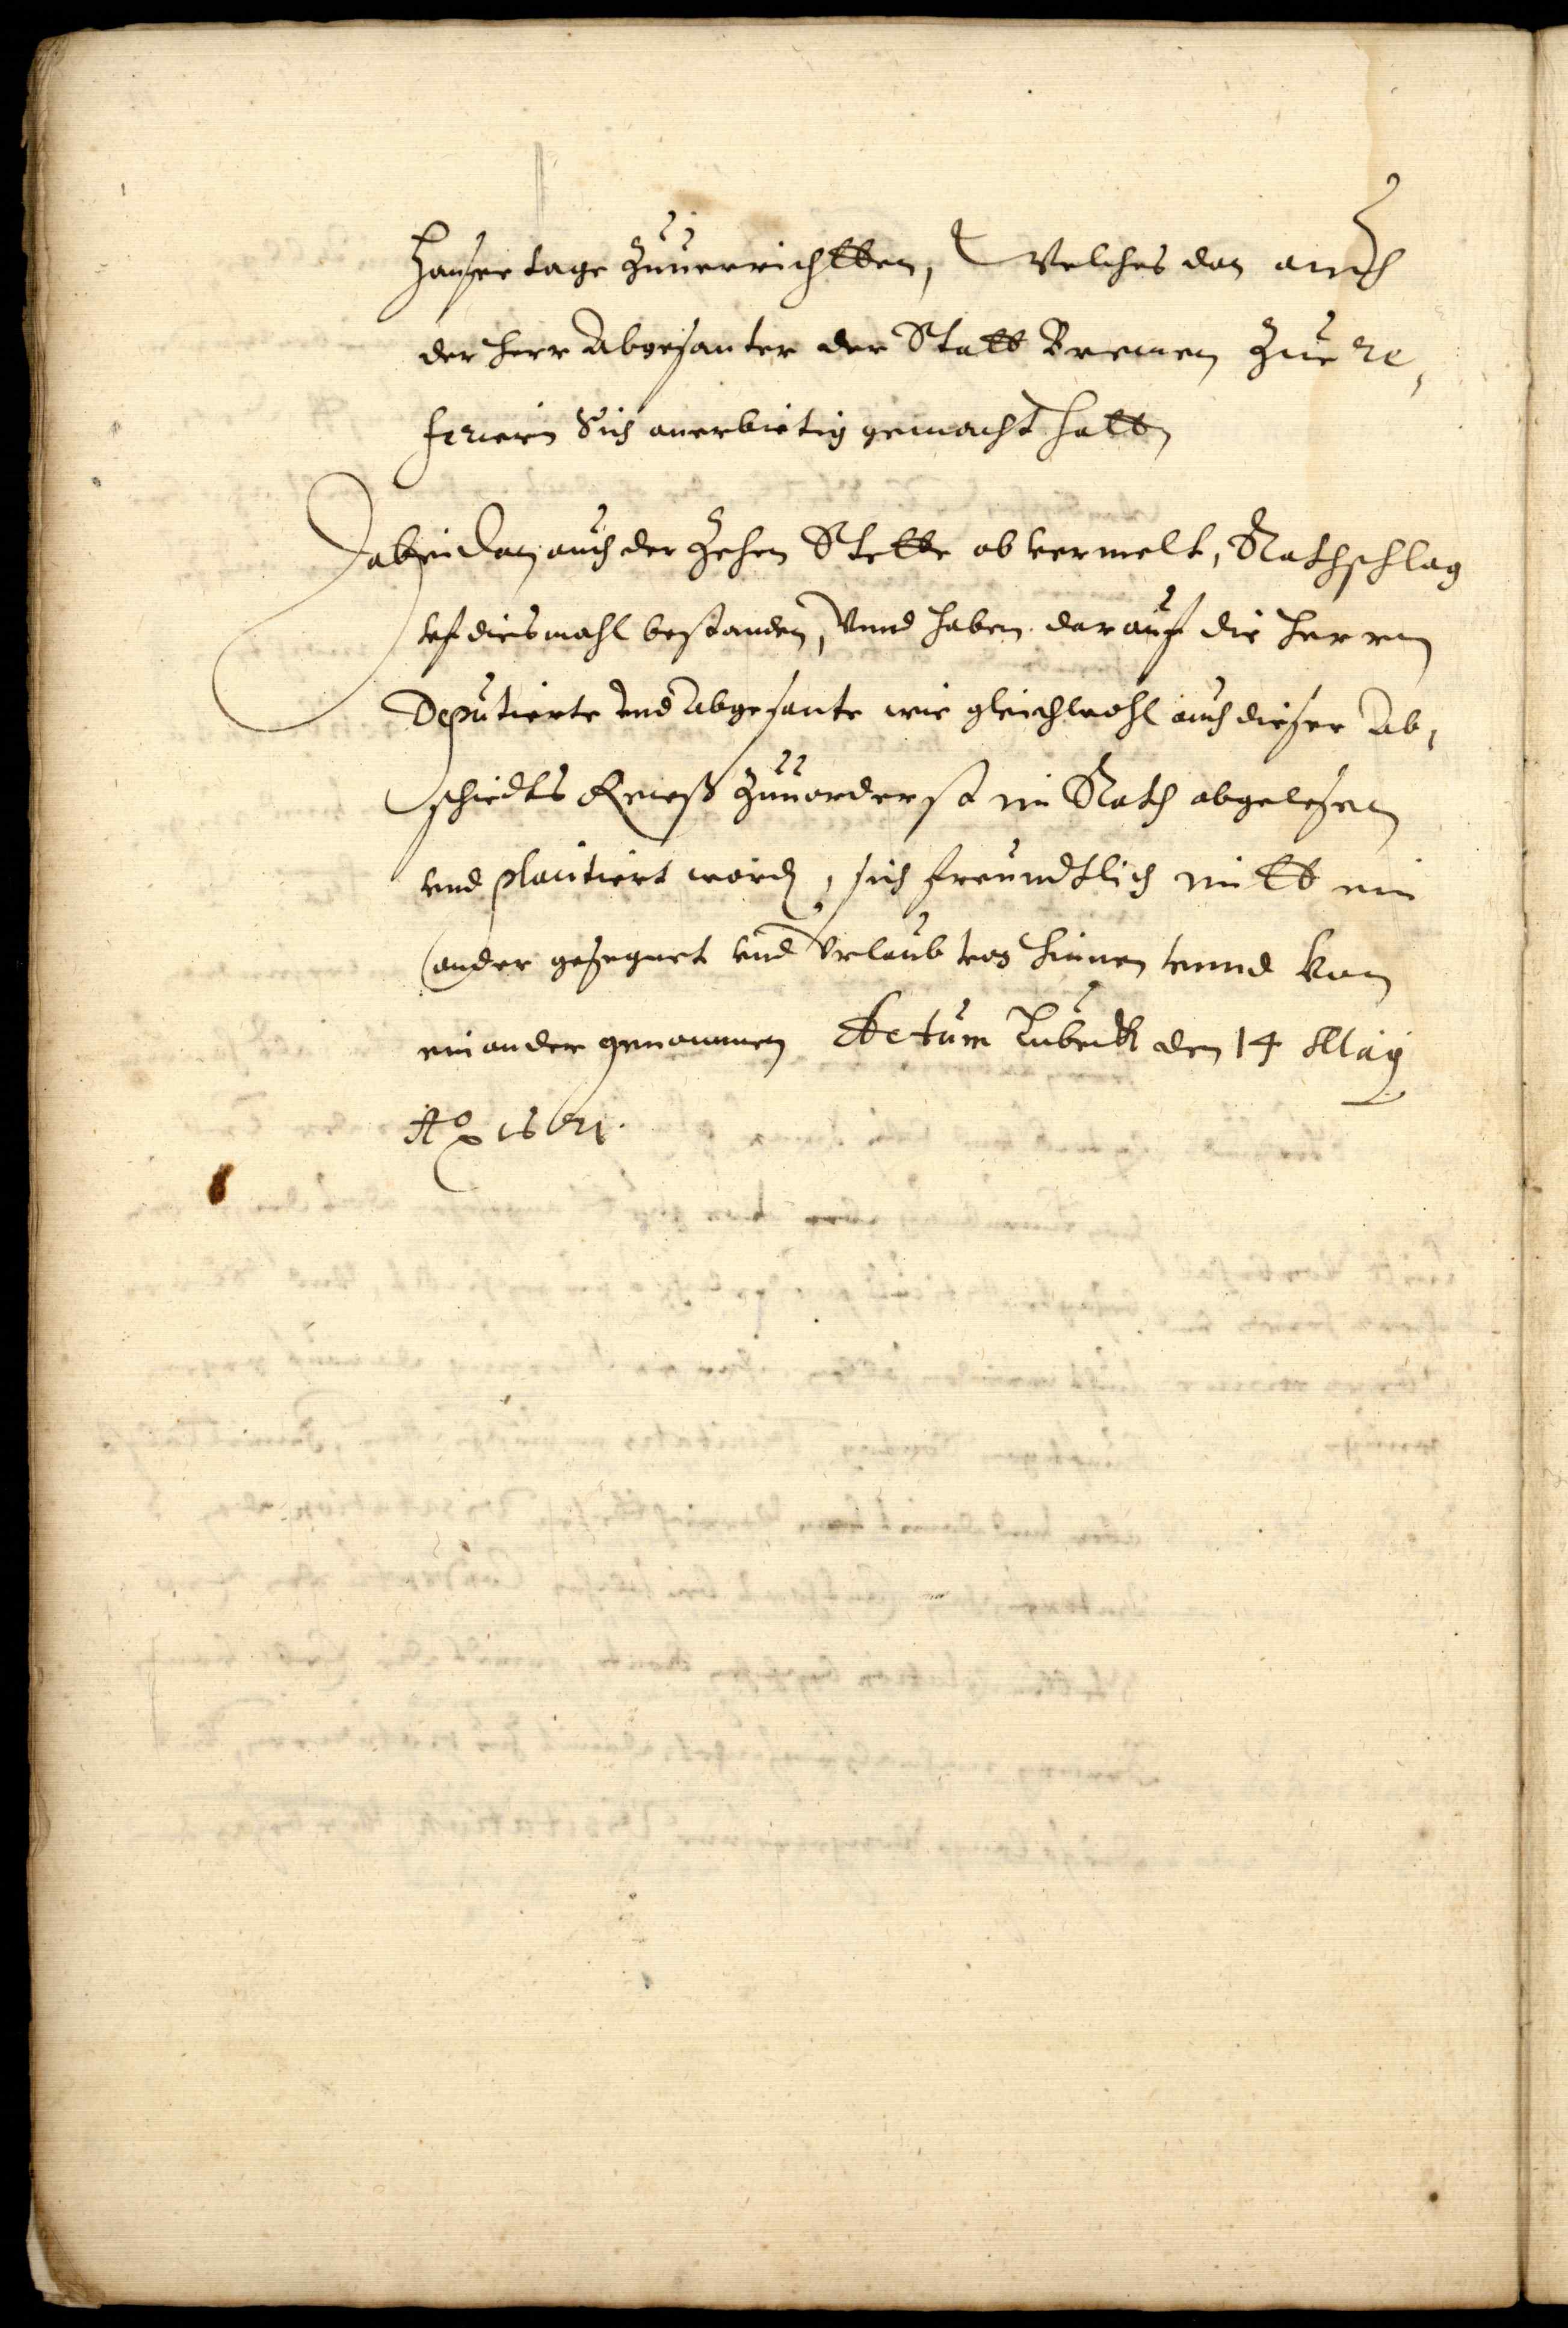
Hansee tage zuuverrichtten, Welches dan auch
der herr Abgesanter der Statt Bremen zue re¬
feriern sich anerbietig gemacht hatt,
Dabei dan auch der zehen Stette ob vermelt, Rathschlag
vf diesmahl bestanden, vnnd haben darauf die herrn
Deputierte vnd Abgesante wie gleichwohl auch dieser Ab¬
schiedts Receß zuuorderst im Rath abgelesen
vnd placitiert worden, sich freundtlich mitt ein¬
ander gesegnet vnd Vrlaub von hinnen vnnd von
einander genommen Actum Lubeck den 14 Maij
Aop 1621.
